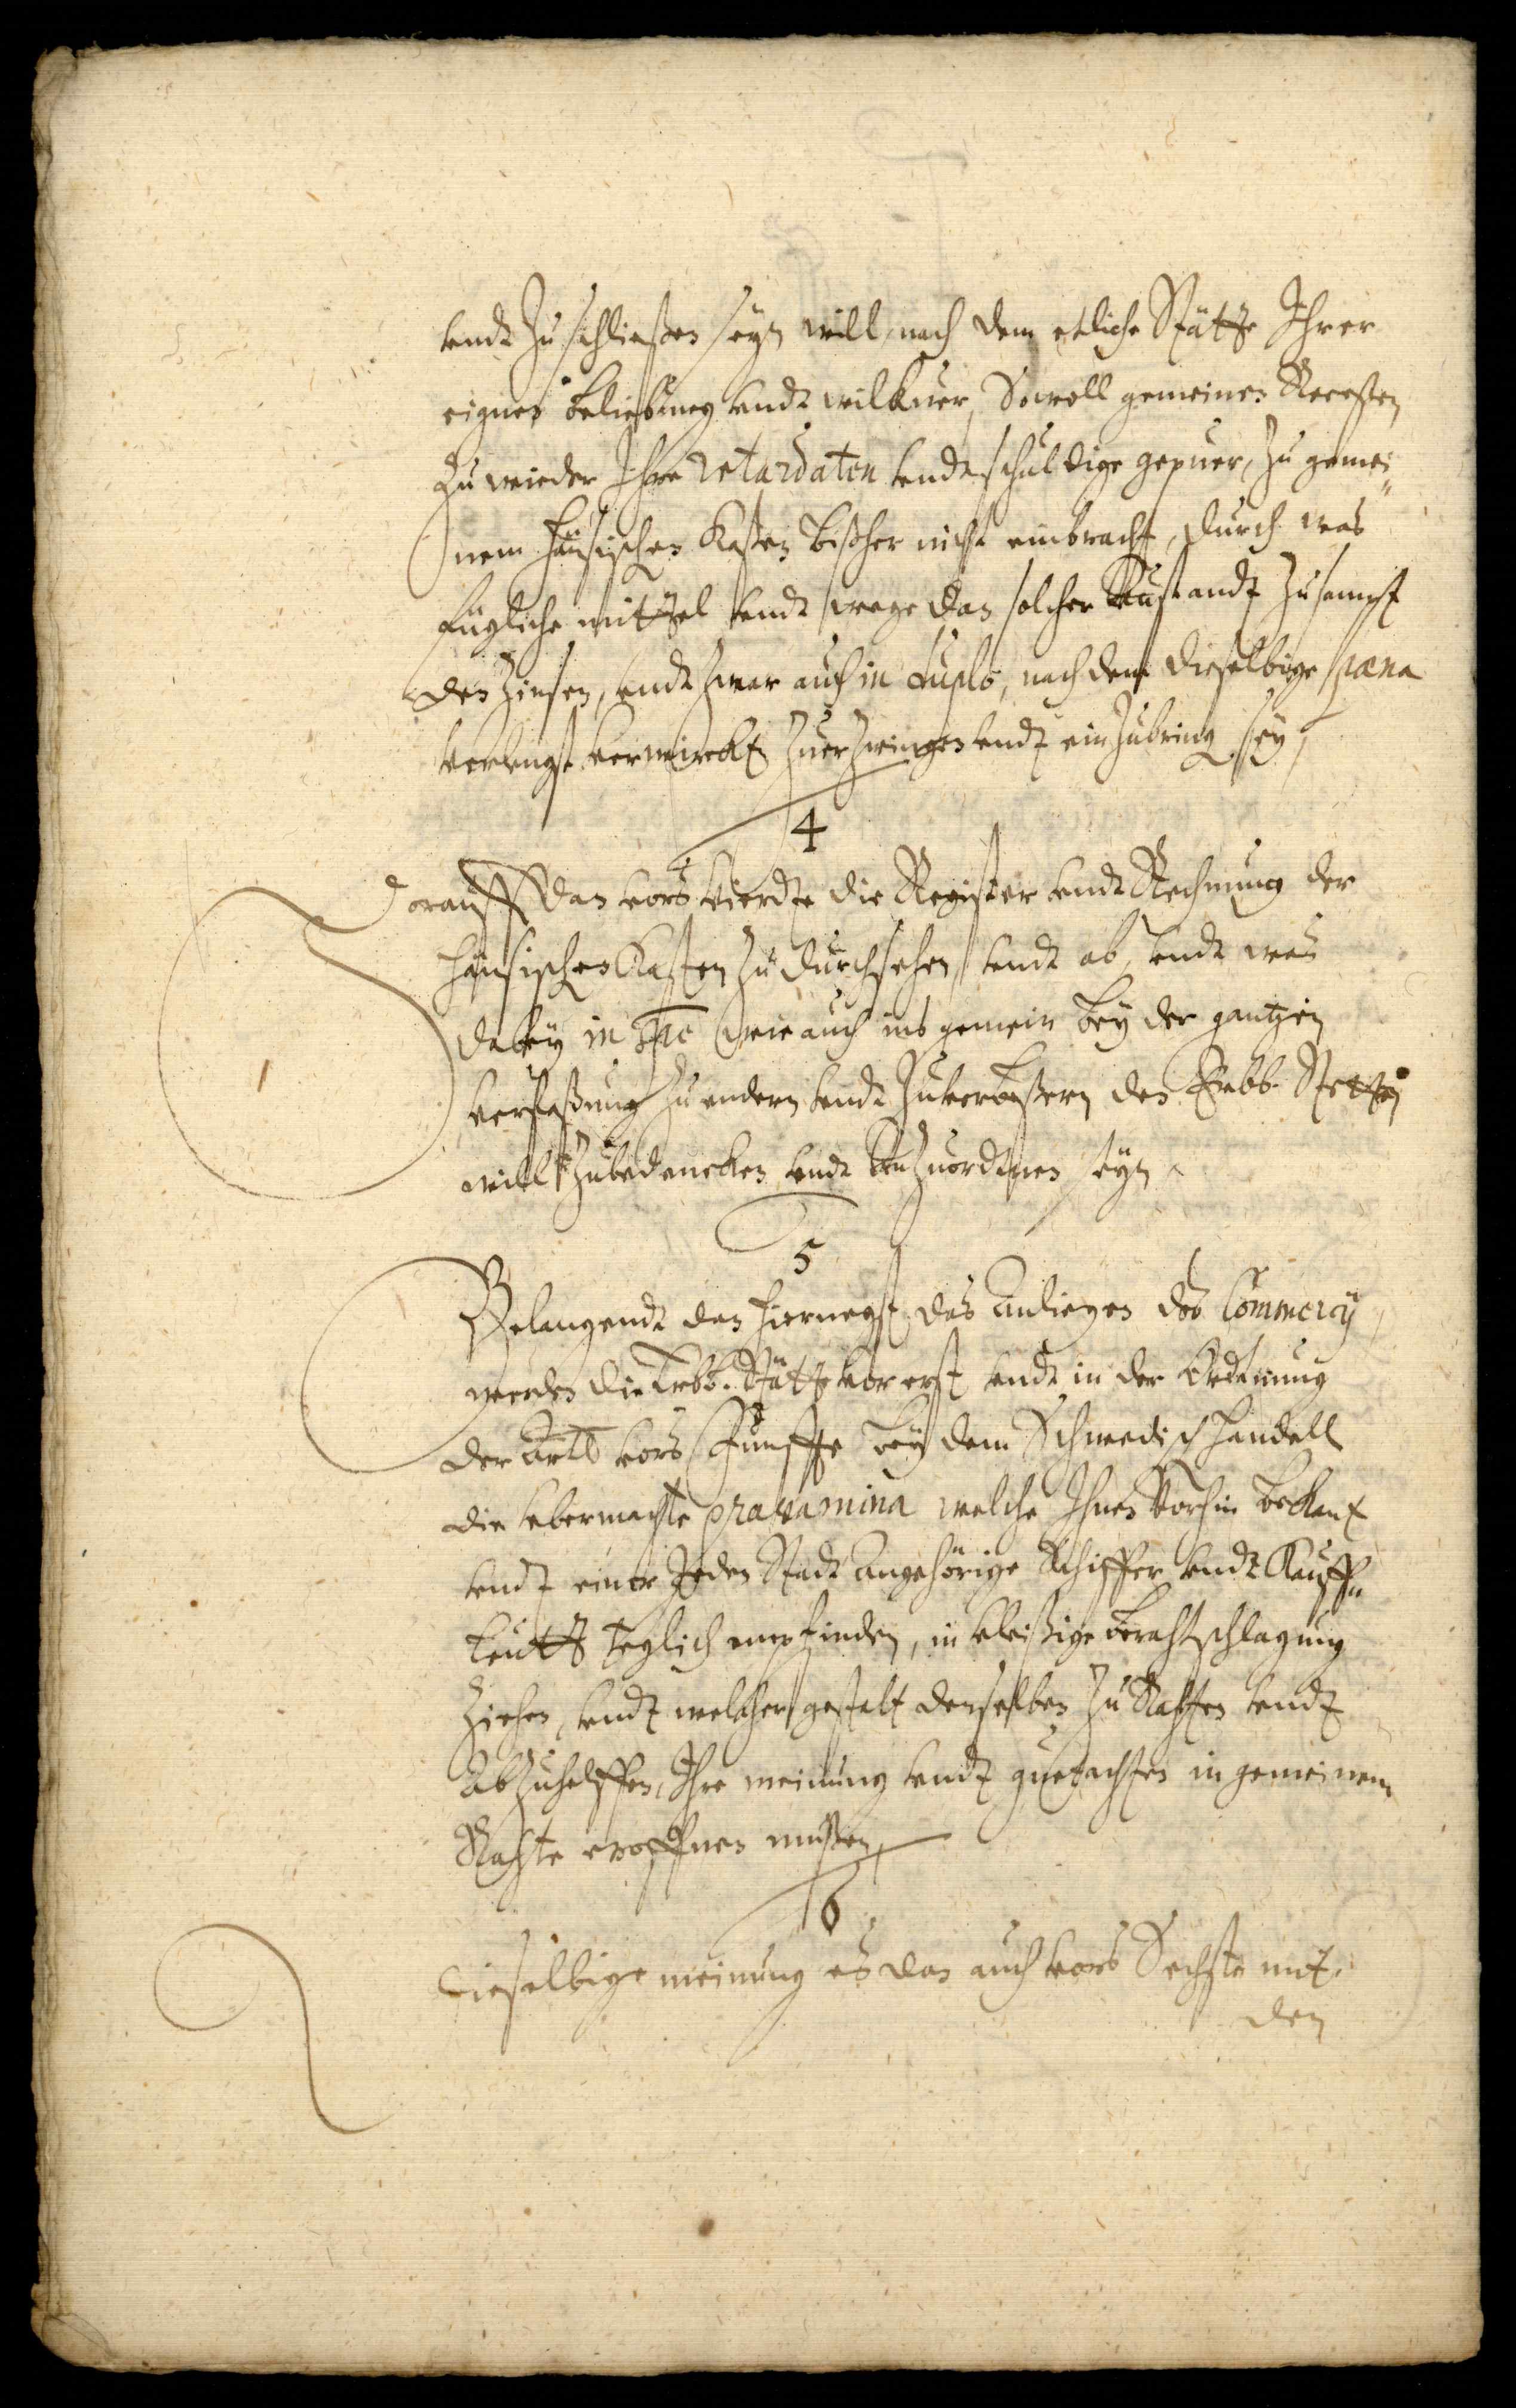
vndt zu schließen seijn will, nach dem etliche Stätte Ihrer
eignen beliebung vndt wilkuer, Sowoll gemeinen Receßen,
zu wieder Ihre retardaten vndt schuldige gepuer, zu gemei¬
nem hänsischen Kasten bißher nicht einbracht, durch was
fügliche mittel vndt wege dan solcher Austandt zusampt
den zinsen, vndt zwar auch in duplo, nach dem dieselbige poena
verlengst verwirckt zuerzwingen vndt einzubringen seij,
4
Dorauff dan vors vierdte die Register vndt Rechnung der
hänsischen Kasten zu durchsehen, vndt ob, vndt wan
dabeij in specie wie auch ins gemein beij der gantzen
verfaßung zu endern vndt zuverbeßern den Erbb: Stetten
will zubedencken vndt Anzuordtnen seijn.
5
Belangendt dan hiernegst das Anliegen des Commercij
werden die Erbb: Stätte vor erst vndt in der Ordtnung
der Articul vors Funffte beij dem Schwedisch handell
die vbermachte gravamina welche Ihnen Vorhin bekant,
vndt einer Jeden Stadt Angehörige Schiffer vndt Kauff¬
leutt teglich empfinden, in vleißige berahtschlagung
ziehen, vndt welcher gestalt derselben zu Rahten vndt
Abzuhelffen, Ihre meinung vndt guetachten in gemeinem
Rahte eroffnen mußen,
6,
dieselbige meinung es dan auch vors Sechste mit
den
